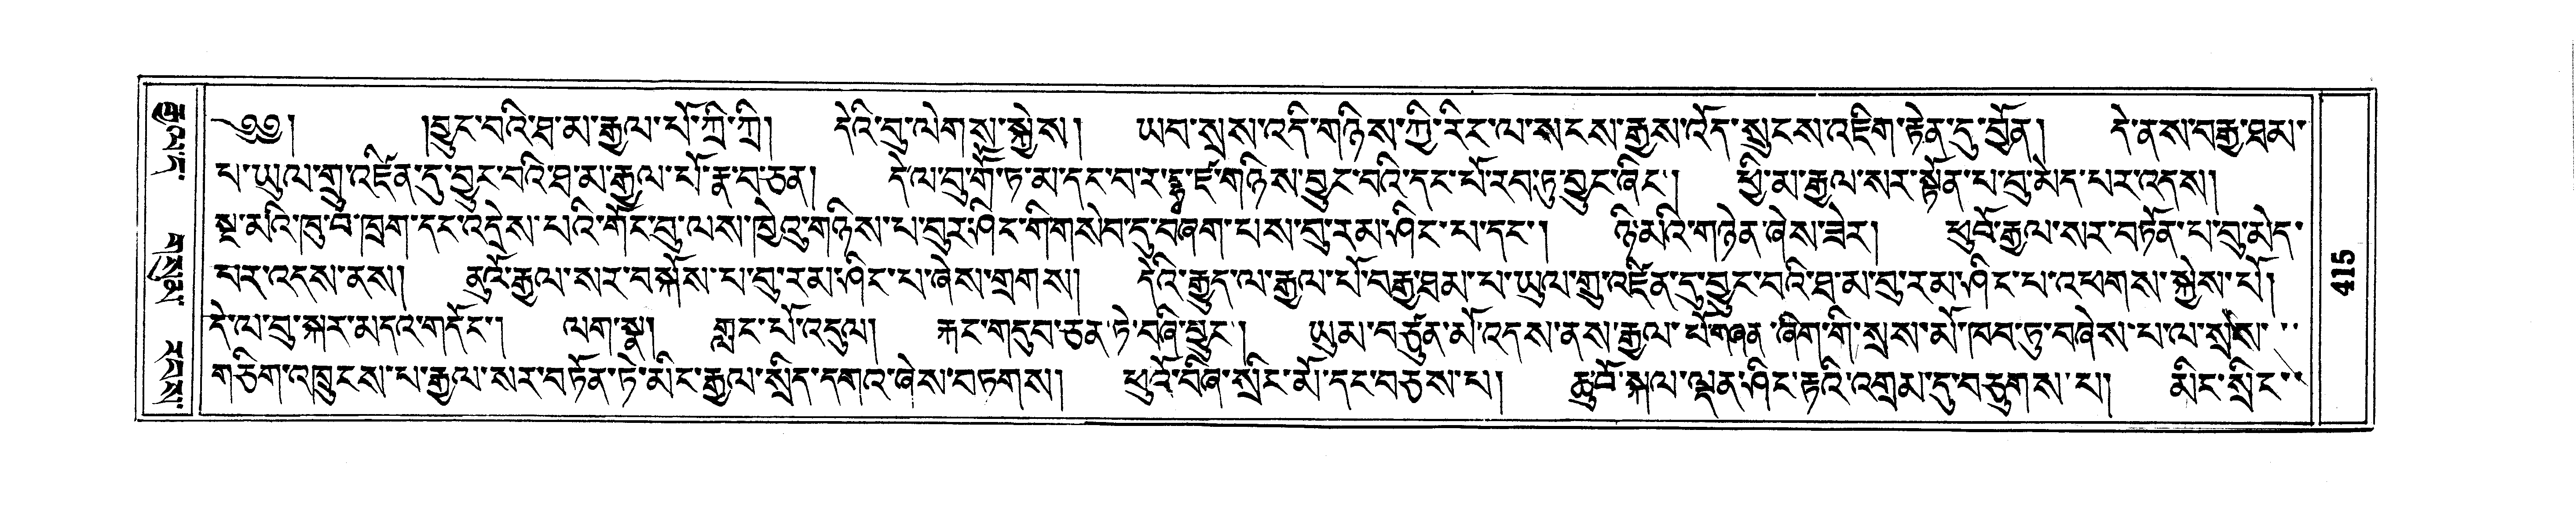༄༅། །བྱུང་བའི་ཐ་མ་རྒྱལ་པོ་ཀྲི་ཀྲི། དེའི་བུ་ལེགས་སྐྱེས། ཡབ་སྲས་འདི་གཉིས་ཀྱི་རིང་ལ་སངས་རྒྱས་འོད་སྲུངས་འཇིག་རྟེན་དུ་བྱོན། དེ་ནས་བརྒྱ་ཐམ་
པ་ཡུལ་གྲུ་འཛིན་དུ་བྱུང་བའི་ཐ་མ་རྒྱལ་པོ་རྣ་བ་ཅན། དེ་ལ་བུ་གཽ་ཏ་མ་དང་བ་ར་དྷྭ་ཛ་གཉིས་བྱུང་བའི་དང་པོ་རབ་ཏུ་བྱུང་ཞིང་། ཕྱི་མ་རྒྱལ་སར་སྟོན་པ་བུ་མེད་པར་འདས།
སྔ་མའི་ཁུ་བ་ཁྲག་དང་འདྲེས་པའི་གོང་བུ་ལས་ཁྱེའུ་གཉིས་པ་བུར་ཤིང་གི་གསེབ་དུ་བཞག་པས་བུ་རམ་ཤིང་པ་དང་། ཉི་མའི་གཉེན་ཞེས་ཟེར། ཕུ་བོ་རྒྱལ་སར་བཏོན་པ་བུ་མེད་
པར་འདས་ནས། ནུའོ་རྒྱལ་སར་བསྐོས་པ་བུ་རམ་ཤིང་པ་ཞེས་གྲགས། དེའི་རྒྱུད་ལ་རྒྱལ་པོ་བརྒྱ་ཐམ་པ་ཡུལ་གྲུ་འཛིན་དུ་བྱུང་བའི་ཐ་མ་བུ་རམ་ཤིང་པ་འཕགས་སྐྱེས་པོ།
དེ་ལ་བུ་སྐར་མདའ་གདོང་། ལག་སྣ། གླང་པོ་འདུལ། རྐང་གདུབ་ཅན་ཏེ་བཞི་བྱུང་། ཡུམ་བཙུན་མོ་འདས་ནས་རྒྱལ་པོ་གཞན་ཞིག་གི་སྲས་མོ་ཁབ་ཏུ་བཞེས་པ་ལ་སྲས་
གཅིག་འཁྲུངས་པ་རྒྱལ་སར་བཏོན་ཏེ་མིང་རྒྱལ་སྲིད་དགའ་ཞེས་བཏགས། ཕུའོ་བཞི་སྲིང་མོ་དང་བཅས་པ། ཆུ་བོ་སྐལ་ལྡན་ཤིང་རྟའི་འགྲམ་དུ་བཅུགས་པ། མིང་སྲིང་